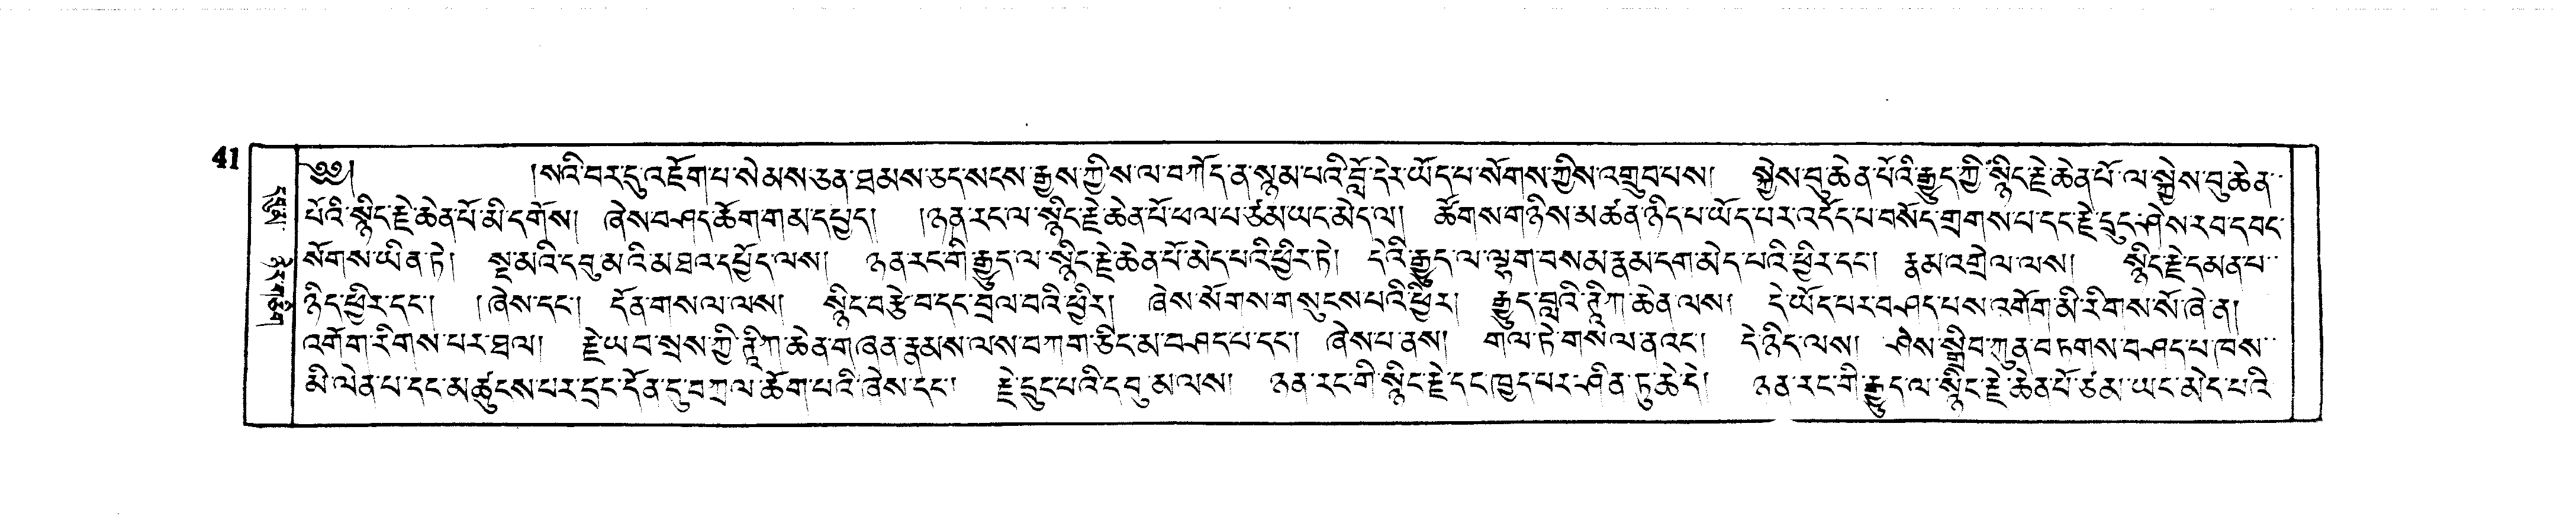༄༅། །སའི་བར་དུ་འཇོག་པ་སེམས་ཅན་ཐམས་ཅད་སངས་རྒྱས་ཀྱིས་ལ་བཀོད་ན་སྙམ་པའི་བློ་དེར་ཡོད་པ་སོགས་ཀྱིས་འགྲུབ་པས། སྐྱེས་བུ་ཆེན་པོའི་རྒྱུད་ཀྱི་སྙིང་རྗེ་ཆེན་པོ་ལ་སྐྱེས་བུ་ཆེན་
པོའི་སྙིང་རྗེ་ཆེན་པོ་མི་དགོས། ཞེས་བཤད་ཆོག་གམ་དཔྱད། །ཉན་རང་ལ་སྙིང་རྗེ་ཆེན་པོ་ཕལ་པ་ཙམ་ཡང་མེད་ལ། ཚོགས་གཉིས་མཚན་ཉིད་པ་ཡོད་པར་འདོད་པ་བསོད་གྲགས་པ་དང་རྗེ་དྲུང་ཤེས་རབ་དབང་
སོགས་ཡིན་ཏེ། སྔ་མའི་དབུ་མའི་མཐའ་དཔྱོད་ལས། ཉན་རང་གི་རྒྱུད་ལ་སྙིང་རྗེ་ཆེན་པོ་མེད་པའི་ཕྱིར་ཏེ། དེའི་རྒྱུད་ལ་ལྷག་བསམ་རྣམ་དག་མེད་པའི་ཕྱིར་དང་། རྣམ་འགྲེལ་ལས། སྙིང་རྗེ་དམན་པ་
ཉིད་ཕྱིར་དང་། །ཞེས་དང་། དོན་གསལ་ལས། སྙིང་བརྩེ་བ་དང་བྲལ་བའི་ཕྱིར། ཞེས་སོགས་གསུངས་པའི་ཕྱིར། རྒྱུད་བླའི་ཊཱིཀ་ཆེན་ལས། དེ་ཡོད་པར་བཤད་པས་འགོག་མི་རིགས་སོ་ཞེ་ན།
འགོག་རིགས་པར་ཐལ། རྗེ་ཡབ་སྲས་ཀྱི་ཊཱིཀ་ཆེན་གཞན་རྣམས་ལས་བཀག་ཅིང་མ་བཤད་པ་དང་། ཞེས་པ་ནས། གལ་ཏེ་གསལ་ནའང་། དེ་ཉིད་ལས། ཤེས་སྒྲིབ་ཀུན་བཏགས་བཤད་པ་ཁས་
མི་ལེན་པ་དང་མཚུངས་པར་དྲང་དོན་དུ་བཀྲལ་ཆོག་པའི་ཞེས་དང་། རྗེ་དྲུང་པའི་དབུ་མ་ལས། ཉན་རང་གི་སྙིང་རྗེ་དང་ཁྱད་པར་ཤིན་ཏུ་ཆེ་དེ། ཉན་རང་གི་རྒྱུད་ལ་སྙིང་རྗེ་ཆེན་པོ་ཙམ་ཡང་མེད་པའི་